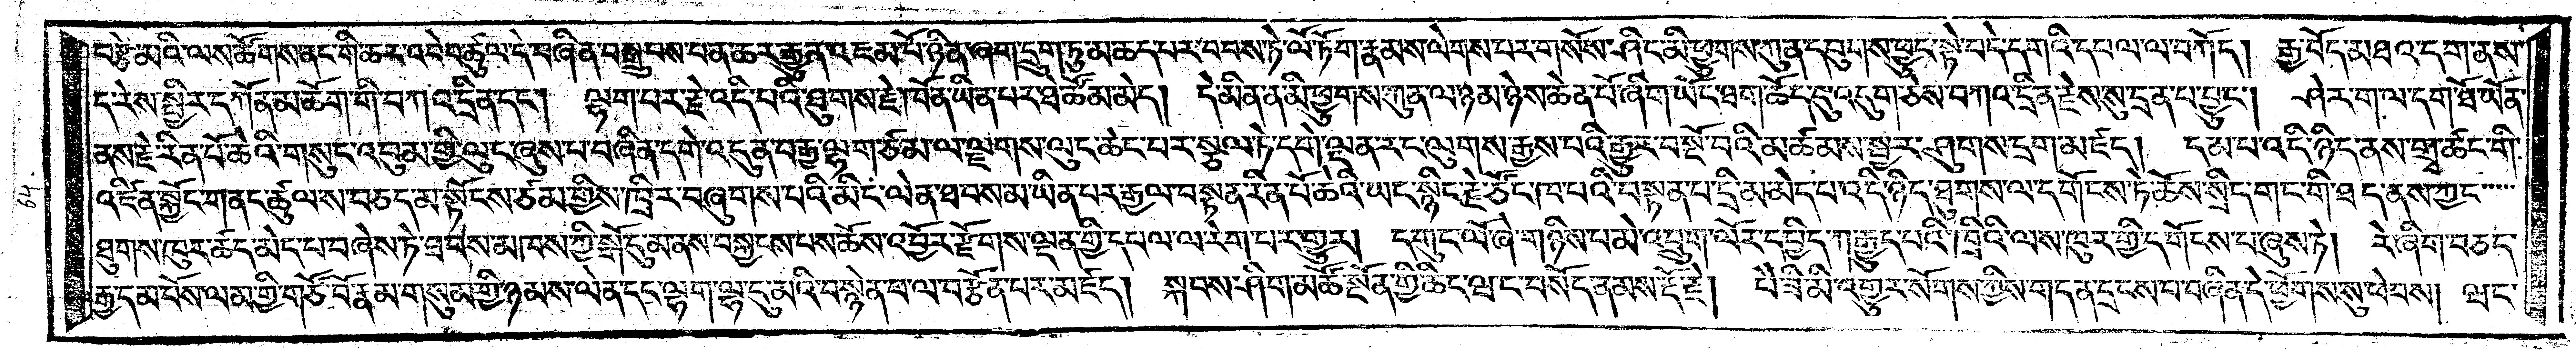བརྩེ་མའི་ལས་ཚོགས་ནང་གི་ཆར་འབེབ་ཚུལ་དེ་བཞིན་བསྒྲུབས་པ་ན་ཆར་རྒྱུན་འཇམ་པོ་ཉིན་ཞག་དྲུག་ཏུ་མ་ཆད་པར་བབས་ཏེ་ལོ་ཏོག་རྣམས་ལེགས་པར་གསོས་ཤིང་མི་ཕྱུགས་ཀུན་དབུགས་ཕུང་སྟེ་བདེ་དགའི་དཔལ་ལ་བཀོད། རྒྱ་བོད་མཐའ་དག་ནས་
ད་རེས་སྤྱིར་དཀོན་མཆོག་གི་བཀའ་དྲིན་དང་། ལྷག་པར་རྗེ་འདི་པའི་ཐུགས་རྗེ་ཁོ་ན་ཡིན་པར་ཐེ་ཚོམ་མེད། དེ་མིན་ན་མི་ཕྱུགས་ཀུན་ལ་ཉམ་ཉེས་ཆེན་པོ་ཞིག་ཡོང་ཐག་ཆོད་དུ་འདུག་ཅེས་བཀའ་དྲིན་རྗེས་སུ་དྲན་པ་བྱུང་། ཤེར་གལ་དག་ཐོ་ཡོན་
ནས་རྗེ་རིན་པོ་ཆེའི་གསུང་འབུམ་གྱི་ལུང་ཞུས་པ་བཞིན་དགེ་འདུན་བརྒྱ་ལྷག་ཙམ་ལ་ལྗགས་ལུང་ཚང་བར་སྩལ་ཏེ་དགེ་ལྡན་རང་ལུགས་རྒྱས་པའི་རྒྱུར་བསྔོ་བའི་མཚམས་སྦྱར་ཤུགས་དྲག་མཛད། དམ་པ་འདི་ཉིད་ནས་གྲྭ་ཚང་གི་
འཛིན་སྐྱོང་གནང་ཚུལ་ས་བཅད་མ་སྟོངས་ཙམ་གྱིས་ཁྲིར་བཞུགས་པའི་མིང་ལེན་ཐབས་མ་ཡིན་པར་རྒྱལ་བསྟན་རིན་པོ་ཆེའི་ཡང་སྙིང་རྗེ་ཙོང་ཁ་པའི་བསྟན་པ་དྲི་མ་མེད་པ་འདི་ཉིད་ཐུགས་ལ་དགོངས་ཏེ་ཆོས་སྲིད་གང་གི་ཐད་ནས་ཀྱང་
ཐུགས་ཁུར་ཚད་མེད་པ་བཞེས་ཏེ་ཐབས་མཁས་ཀྱི་སྒོ་དུ་མ་ནས་བསྐྱངས་པས་ཆོས་འབྱོར་རྫོགས་ལྡན་གྱི་དཔལ་ལ་རེག་པར་གྱུར། དགུང་ལོ་ཞེ་གཉིས་པ་མེ་འབྲུག་ལོར་དཔྱིད་ཀ་རྒྱུད་པའི་ཁྲིའི་ལས་ཁུར་གྱི་དགོངས་པ་ཞུས་ཏེ། རེ་ཞིག་བཅད་
རྒྱ་དམ་པོས་ལམ་གྱི་གཙོ་བོ་རྣམ་གསུམ་གྱི་ཉམས་ལེན་དང་ལྷག་ལྷ་དུ་མའི་བསྙེན་པ་ལ་བརྩོན་པར་མཛད། སྐབས་ཤིག་མཚོ་སྔོན་གྱི་ཆིང་ཝང་བསོད་ནམས་རྡོ་རྗེ། པཻ་ཟི་མི་འགྱུར་སོགས་ཀྱིས་གདན་དྲངས་བ་བཞིན་དེ་ཕྱོགས་སུ་ཕེབས། ཝང་